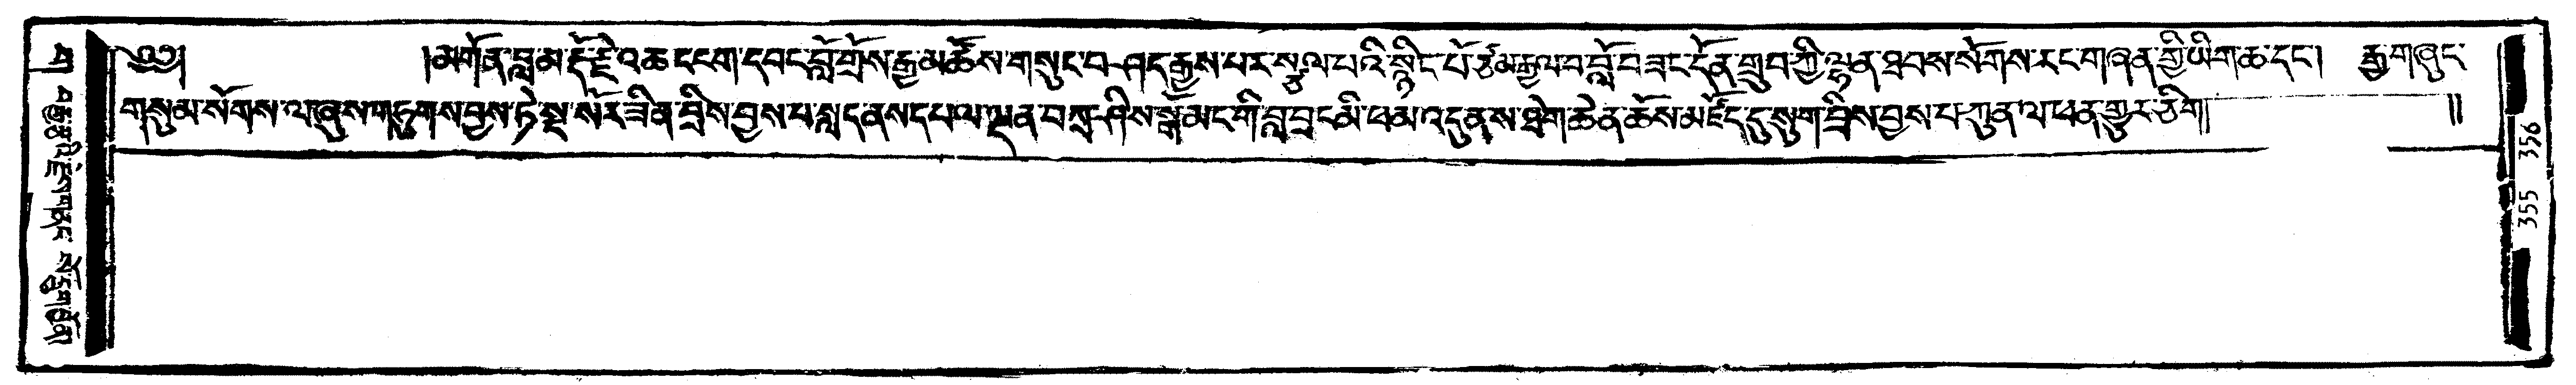༄༅། །མགོན་བླ་མ་རྡོ་རྗེ་འཆང་ངག་དབང་བློ་གྲོས་རྒྱ་མཚོས་གསུང་བཤད་རྒྱས་པར་སྩལ་པའི་སྙིང་པོ་ཙམ་རྒྱལ་བ་བློ་བཟང་དོན་གྲུབ་ཀྱི་ལྷན་ཐབས་སོགས་རང་གཞན་གྱི་ཡིག་ཆ་དང་། རྒྱ་གཞུང་
གསུམ་སོགས་ལ་ཞུས་གཏུགས་བྱས་ཏེ་སྔ་སོར་ཟིན་བྲིས་བྱས་པ་སླད་ནས་དཔལ་ལྡན་བཀྲ་ཤིས་སྒོ་མང་གི་བླ་བྲང་མི་ཕམ་འདུན་ས་ཐེག་ཆེན་ཆོས་མཛོད་དུ་སུག་བྲིས་བྱས་པ་ཀུན་ལ་ཕན་གྱུར་ཅིག། །།